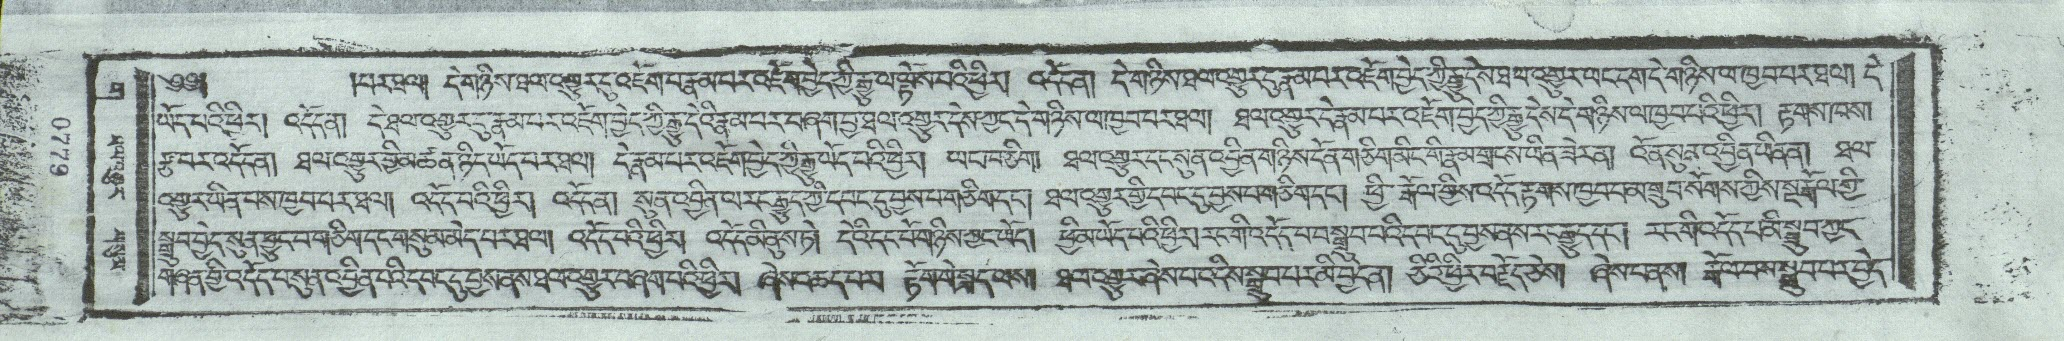༄༅། །པར་ཐལ། དེ་གཉིས་ཐལ་འགྱུར་དུ་འཇོག་བ་རྣམ་པར་འཇོག་བྱེད་ཀྱི་རྒྱུ་ལ་ལྟོས་པའི་ཕྱིར། འདོད་ན། དེ་གཉིས་ཐལ་འགྱུར་དུ་རྣམ་པར་འཇོག་བྱེད་ཀྱི་རྒྱུ་དེས་ཐལ་འགྱུར་ཡང་དག་དེ་གཉིས་ལ་ཁྱབ་པར་ཐལ། དེ་
ཡོད་པའི་ཕྱིར། འདོད་ན། དེ་ཐལ་འགྱུར་དུ་རྣམ་པར་འཇོག་བྱེད་ཀྱི་རྒྱུ་དེའི་རྣམ་པར་བཞག་བྱ་ཐལ་འགྱུར་དེས་ཀྱང་དེ་གཉིས་ལ་ཁྱབ་པར་ཐལ། ཐལ་འགྱུར་དེ་རྣམ་པར་འཇོག་བྱེད་གྱི་རྒྱུ་དེས་དེ་གཉིས་ལ་ཁྱབ་པའི་ཕྱིར། རྟགས་ཁས།
རྩ་བར་འདོད་ན། ཐལ་འགྱུར་གྱི་མཚན་ཉིད་ཡོད་པར་ཐལ། དེ་རྣམ་པར་འཇོག་བྱེད་ཀྱི་རྒྱུ་ཡོད་པའི་ཕྱིར། ཡང་ཁ་ཅིག། ཐལ་འགྱུར་དང་སུན་འབྱིན་གཉིས་དོན་གཅིག་མིང་གི་རྣམ་གྲངས་ཡིན་ཟེར་ན། འོ་ན་སུན་འབྱིན་ཡིན་ན། ཐལ་
འགྱུར་ཡིན་པས་ཁྱབ་པར་ཐལ། འདོད་བའི་ཕྱིར། འདོད་ན། སུན་འབྱིན་ལ་རང་རྒྱུད་ཀྱི་དབང་དུ་བྱས་པ་གཅིག་དང་། ཐལ་འགྱུར་གྱི་དབང་དུ་བྱས་པ་གཅིག་དང་། ཕྱི་རྒོལ་གྱིས་འདོད་རྟགས་ཁྱབ་པ་མ་གྲུབ་སོགས་ཀྱིས་སྔ་རྒོལ་ཀྱི་
སྒྲུབ་བྱེད་སུན་བྱུང་བ་གཅིག་དང་གསུམ་མེད་པར་ཐལ། འདོད་བའི་ཕྱིར། འདོད་མི་ནུས་ཏེ། དེའི་དང་པོ་གཉིས་ཀྱང་ཡོད། ཕྱི་མ་ཡོད་པའི་ཕྱིར། རང་གི་འདོད་པ་བསྒྲུབ་པའི་དབང་དུ་བྱས་ནས་རང་རྒྱུད་དང་། རང་གི་འདོད་པ་མི་སྒྲུབ་ཀྱང་
གཞན་གྱི་འདོད་པ་སུན་འབྱིན་པའི་དབང་དུ་བྱས་ནས་ཐལ་འགྱུར་བཞག་པའི་ཕྱིར། ཞེས་འཆད་པར། རྟོག་གེ་སྐད་ལས། ཐལ་འགྱུར་ཞེས་པ་འདིས་སྒྲུབ་པར་མི་བྱེད་ན། ཅིའི་ཕྱིར་བརྗོད་ཅེས། ཞེས་པ་ནས། རྒོལ་བས་སྒྲུབ་པར་བྱེད་